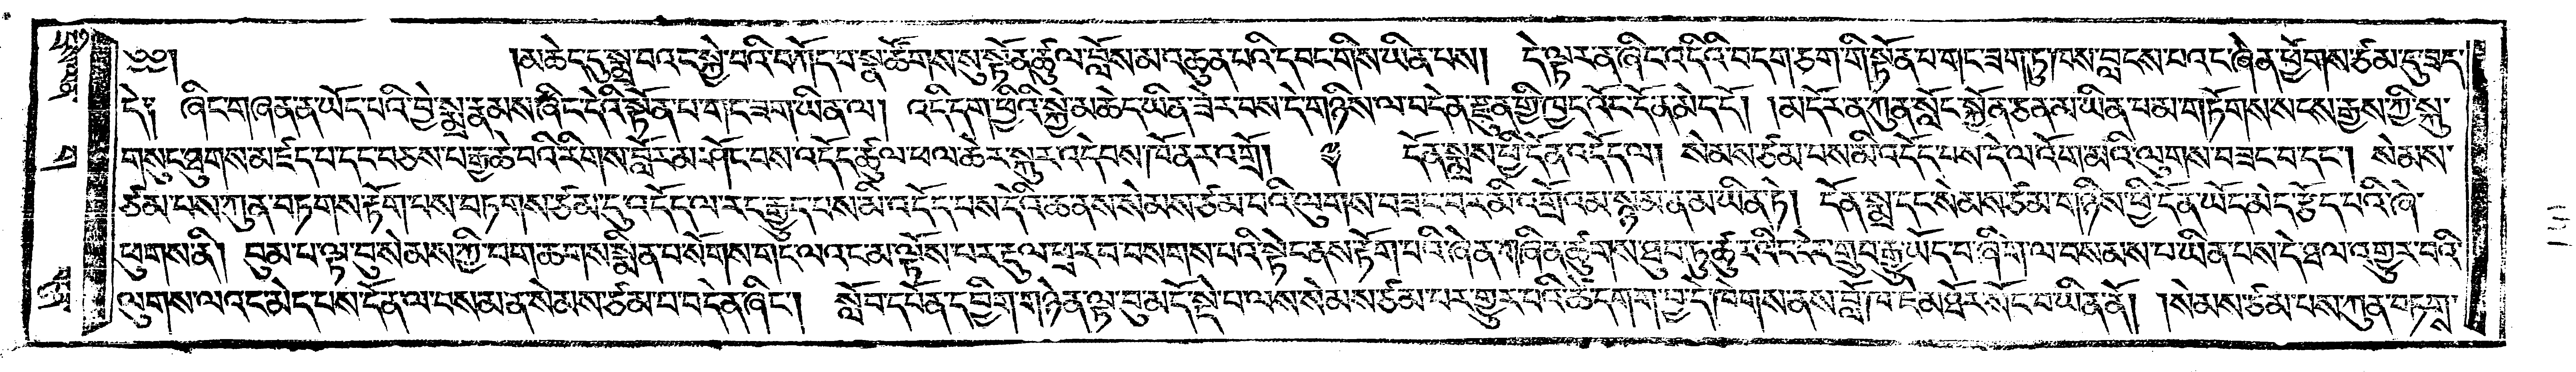༄༅། །མཆེད་དུ་སྨྲ་བའང་སྐྱེ་བའི་བཀོད་པ་སྣ་ཚོགས་སུ་སྟོན་ཚུལ་བློས་མ་འཆུན་པའི་དབང་གིས་ཡིན་པས། དེ་ལྟར་ན་ཞིང་འདིའི་བདག་ཅག་གི་སྟོན་པ་གང་ཟག་ཏུ་ཁས་བླངས་པའང་ཞེན་ཕྱོགས་ཙམ་དུ་ཟད་
དེ༑ ཞིང་གཞན་ན་ཡོད་པའི་བྱེ་སྨྲ་རྣམས་ཞིང་དེའི་སྟོན་པ་གང་ཟག་ཡིན་ལ། འདི་དག་ཕྱིའི་སྐྱེ་མཆེད་ཡིན་ཟེར་བས་དེ་གཉིས་ལ་བདེན་རྫུན་གྱི་ཁྱད་འོང་དོན་མེད་དོ། །མདོར་ན་ཀུན་སློང་སྐྱོན་ཅན་མ་ཡིན་པ་མ་གཏོགས་སངས་རྒྱས་ཀྱི་སྐུ་
གསུང་ཐུགས་མཛད་པ་དང་བཅས་པ་རྒྱ་ཆེ་བའི་རིགས་བློར་མ་ཤོང་བས་འདོད་ཚུལ་ཕལ་ཆེར་སྐུར་འདེབས་ཁོ་ནར་འགྲོ། ༈ དོན་སྨྲས་ཕྱི་དོན་འདོད་ལ། སེམས་ཙམ་པས་མི་འདོད་པས་དེ་ལ་འོག་མའི་ལུགས་བཟང་བ་དང་། སེམས་
ཙམ་པས་ཀུན་བཏགས་རྟོག་པས་བཏགས་ཙམ་དུ་འདོད་ལ་རང་རྒྱུད་པས་མི་འདོད་པས་དེའི་ཆ་ནས་སེམས་ཙམ་པའི་ལུགས་བཟང་བར་མི་འགྲོའམ་སྙམ་ན་མ་ཡིན་ཏེ། དོན་སྨྲ་དང་སེམས་ཙམ་གཉིས་ཕྱི་དོན་ཡོད་མེད་རྩོད་པའི་ཞེ་
ཕུགས་ནི། བུམ་པ་ལྟ་བུ་སེམས་ཀྱི་བག་ཆགས་སྨིན་པ་སོགས་གང་ལའང་མ་ལྟོས་པར་རྡུལ་ཕྲ་རབ་བསགས་པའི་སྟེང་ནས་རྟོག་པའི་ཞེན་གཞིན་ཚུགས་ཐུབ་ཏུ་ཚུར་ལིང་ངེར་གྲུབ་རྒྱུ་ཡོད་པ་ཞིག་ལ་བསམས་པ་ཡིན་པས་དེ་ཐལ་འགྱུར་བའི་
ལུགས་ལའང་མེད་པས་དོན་ལ་བསམ་ན་སེམས་ཙམ་པ་བདེན་ཞིང་། སློབ་དཔོན་དབྱིག་གཉེན་ལྟ་བུ་མདོ་སྡེ་བ་ལས་སེམས་ཙམ་པར་གྱུར་པའི་ཚེ་དགག་བྱ་དེ་ཁེགས་ནས་བློ་ཁ་ཇེ་མཐོར་སོང་བ་ཡིན་ནོ། །སེམས་ཙམ་པས་ཀུན་བཏགས་